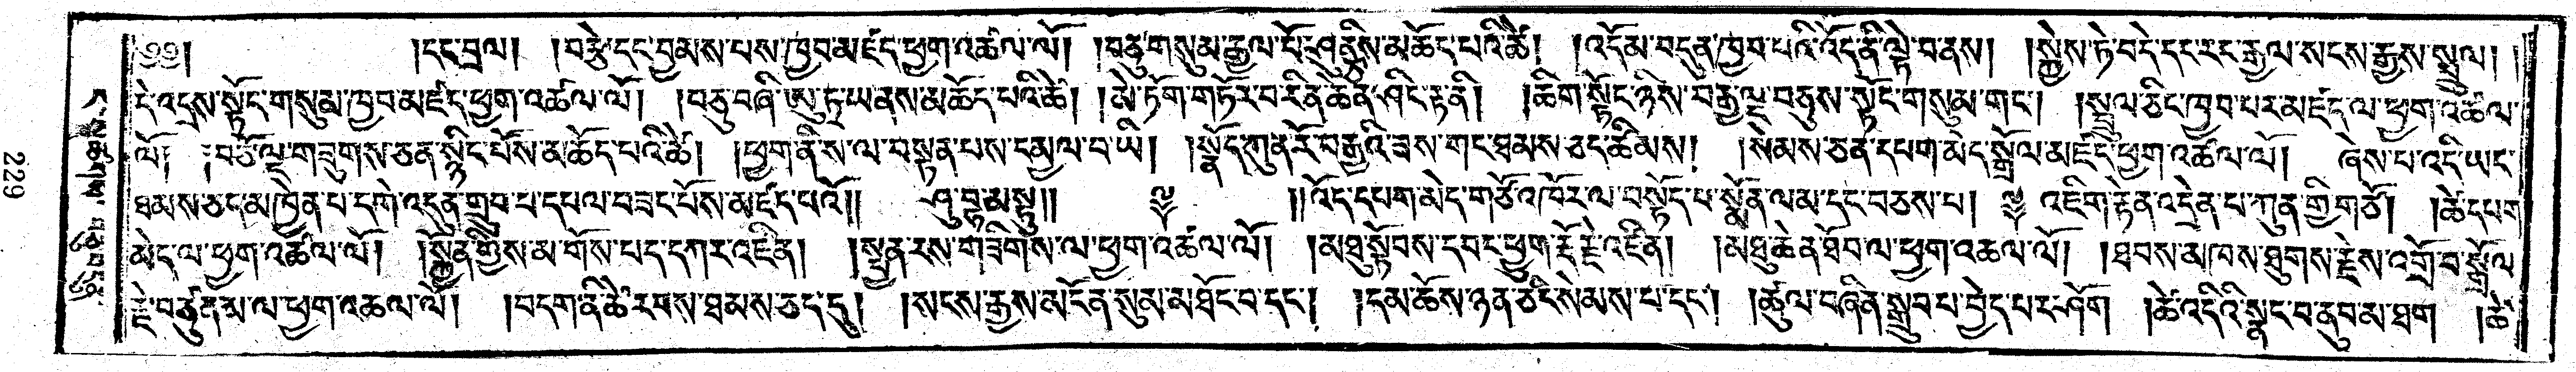༄༅། །དང་བྲལ། །བརྩེ་དང་བྱམས་པས་ཁྱབ་མཛད་ཕྱག་འཚལ་ལོ། །བཅུ་གསུམ་རྒྱལ་པོ་ཤུནྩིས་མཆོད་པའི་ཚེ། །འདོམ་བདུན་ཁྱབ་པའི་འོད་ནི་ལྟེ་བ་ནས། །སྐྱེས་ཏེ་བདེ་དང་རང་རྒྱལ་སངས་རྒྱས་སྤྲུལ། །
དེ་འདྲས་སྟོང་གསུམ་ཁྱབ་མཛད་ཕྱག་འཚལ་ལོ། །བཅུ་བཞི་ཨུ་ཏྲ་ཡ་ནས་མཆོད་པའི་ཚེ། །མེ་ཏོག་གཏོར་བ་རིན་ཆེན་ཤིང་རྟ་ནི། །ཆིག་སྟོང་ཉིས་བརྒྱ་ལྔ་བཅུས་སྟོང་གསུམ་གང་། །སྦྲུལ་ཅིང་ཁྱབ་པར་མཛད་ལ་ཕྱག་འཚལ་
ལོ༑ ༑བཅོ་ལྔ་གཟུགས་ཅན་སྙིང་པོས་མཆོད་པའི་ཚེ། །ཕྱག་ནི་ས་ལ་བསྟན་པས་དམྱལ་བ་ཡི། །སྣོད་ཀུན་རོ་བརྒྱའི་ཟས་གང་ཐམས་ཅད་ཚིམས། །སེམས་ཅན་དཔག་མེད་སྒྲོལ་མཛད་ཕྱག་འཚལ་ལོ། །ཞེས་པ་འདི་ཡང་
ཐམས་ཅད་མཁྱེན་པ་དགེ་འདུན་གྲུབ་པ་དཔལ་བཟང་པོས་མཛད་པའོ།། ཤུ་བྷ་མསྟུ།། ༈ །།འོད་དཔག་མེད་གཙོ་འཁོར་ལ་བསྟོད་པ་སྨོན་ལམ་དང་བཅས་པ། ༈ འཇིག་རྟེན་འདྲེན་པ་ཀུན་གྱི་གཙོ། །ཚེ་དཔག་
མེད་ལ་ཕྱག་འཚལ་ལོ། །སྐྱོན་གྱིས་མ་གོས་པད་དཀར་འཛིན། །སྤྱན་རས་གཟིགས་ལ་ཕྱག་འཚལ་ལོ། །མཐུ་སྟོབས་དབང་ཕྱུག་རྡོ་རྗེ་འཛིན། །མཐུ་ཆེན་ཐོབ་ལ་ཕྱག་འཚལ་ལོ། །ཐབས་མཁས་ཐུགས་རྗེས་འགྲོ་བ་སྒྲོལ་
རྗེ་བཙུན་མ་ལ་ཕྱག་འཚལ་ལོ། །བདག་ནི་ཚེ་རབས་ཐམས་ཅད་དུ། །སངས་རྒྱས་མངོན་སུམ་མཐོང་བ་དང་། །དམ་ཆོས་ཉན་ཅིང་སེམས་པ་དང་། །ཚུལ་བཞིན་སྒྲུབ་པ་བྱེད་པར་ཤོག །ཚེ་འདིའི་སྣང་བ་ནུབ་མ་ཐག །ཚེ་